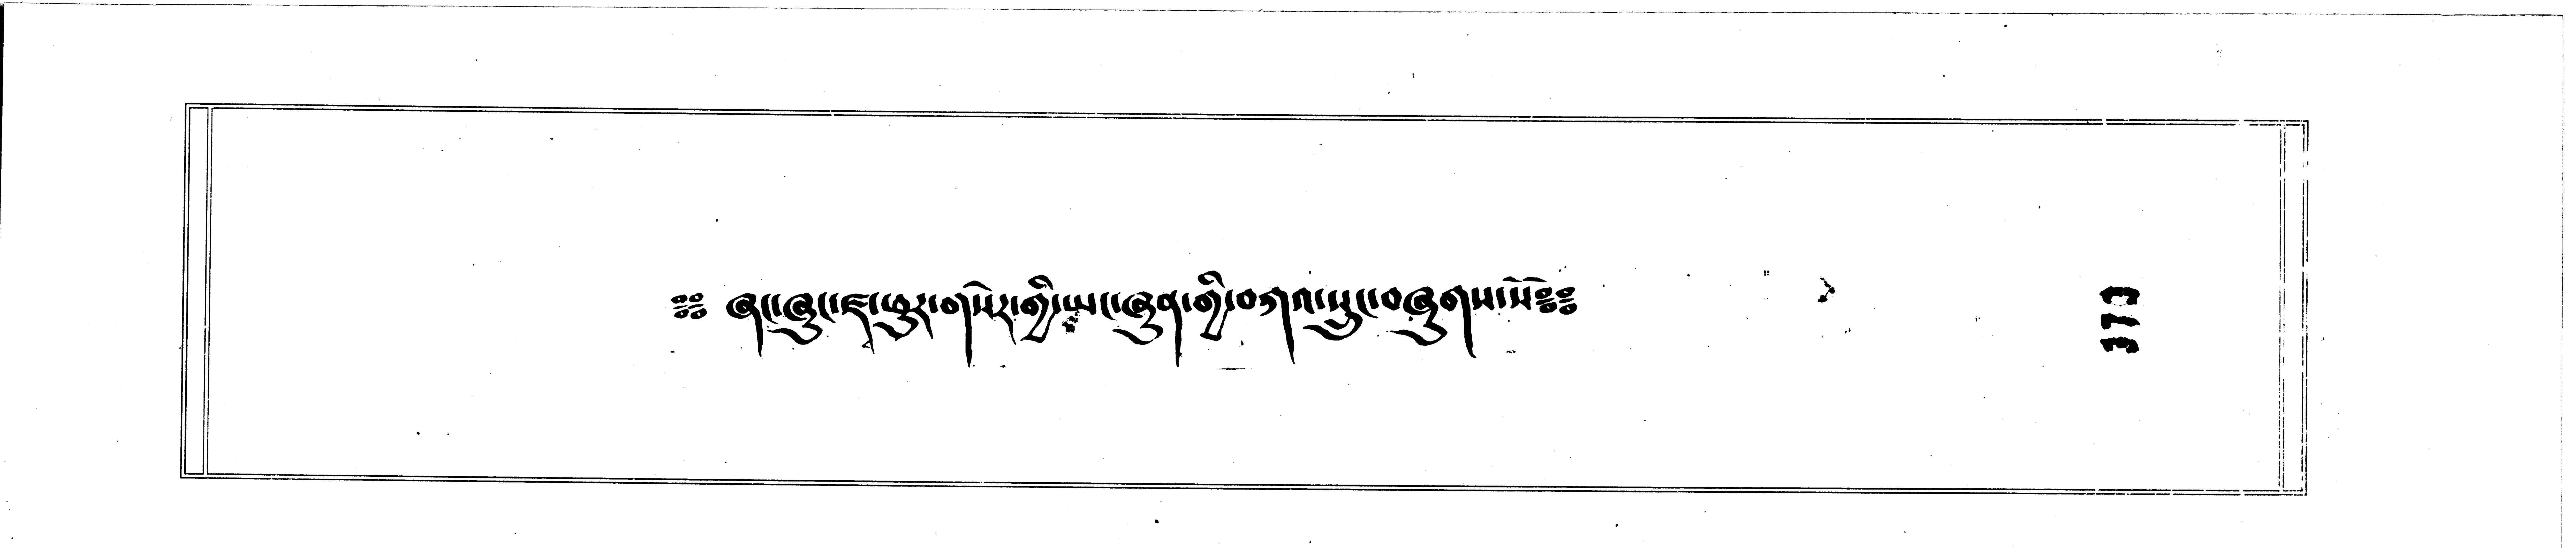༔༔ཞང་ཞུང་ཛྭ་ཕུར་གསེར་གྱི་ཡང་ཞུན་གྱི་བཀའ་སྲུང་བཞུགས་སོ༔༔